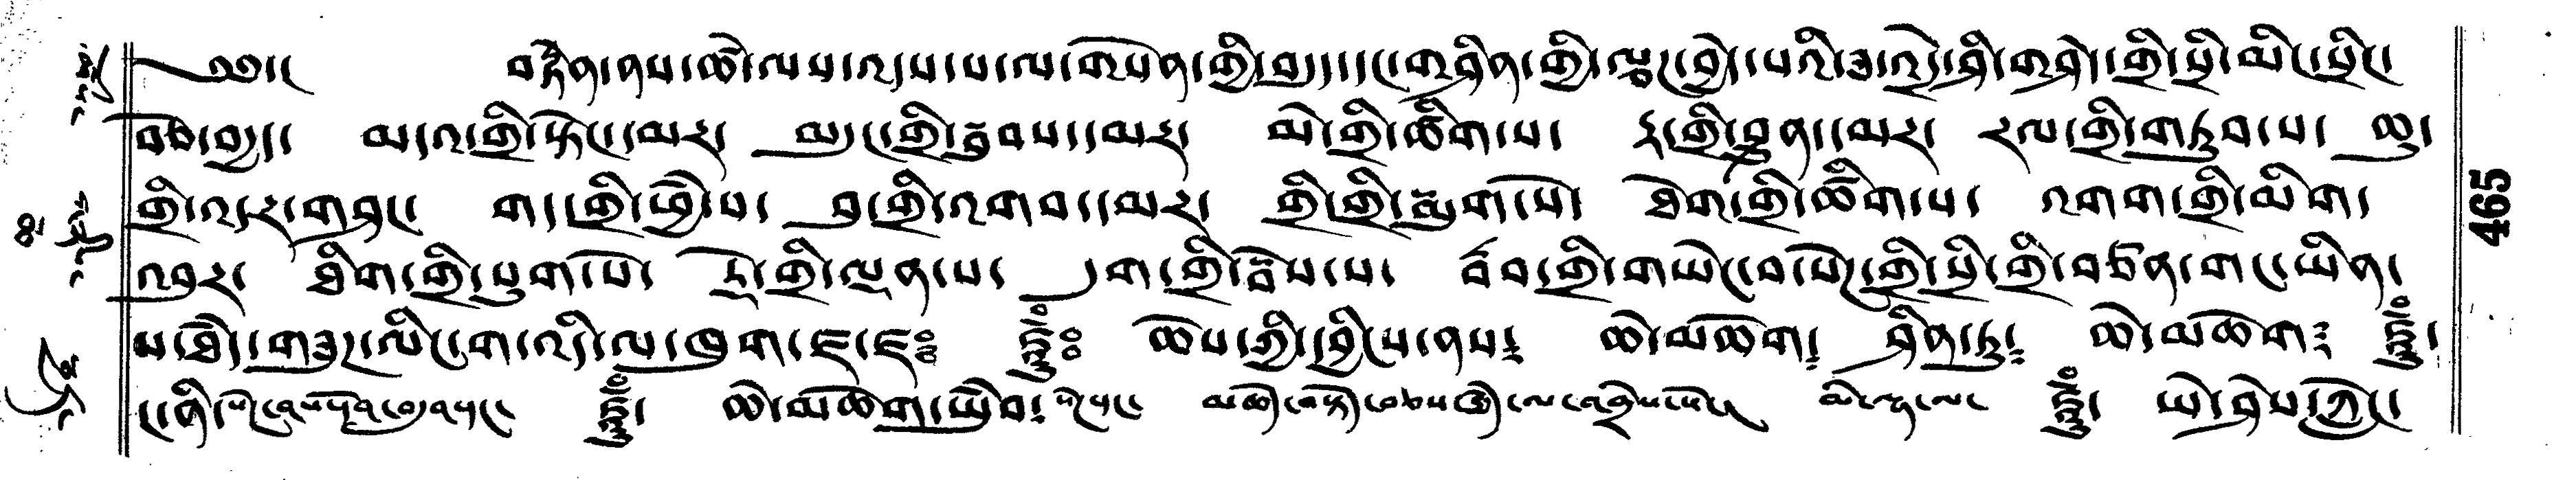བརྟེན་ནས་ཚེ་ལས་འདས་པ་ལ་གསོན་གྱི་བདུད་དང་གཤིན་གྱི་ལྕགས་བྱེད་པའི་ཟ་འདྲེ་ཤི་གཤེད་གྲི་སྲི་མིང་སྲིང་
བཅོ་བརྒྱད། མདའ་གྲི་ལྟོང་དམར། མདུང་གྲི་སྦུབས་དམར། མེ་གྲི་ཚིག་པ། རྟ་གྲི་ཤུན་དམར། རལ་གྲི་གཏུབ་པ།ཆུ་
གྲི་འདར་གཤང་། གད་གྲི་ཕྱམ་པ། བུ་གྲི་འགབ་དམར། གྲི་གྲི་སྨུག་པོ། ཐོག་གྲི་ཚིག་པ། འགག་གྲི་མིག་
འབུར། ཐིག་གྲི་སུག་པོ། རྡོ་གྲི་ལྡན་པ། དུག་གྲི་སྦོས་པ། རྦབ་གྲི་གཡེང་བ་སོགས་གྲི་སྲི་གྲི་བཙན་གང་ཡིན་
པ་ཐམས་ཅད་གཟུགས་ལིང་ག་འདི་ལ་ཁུག་ཛ་ཛཿ ཧཱུྃ། ཆོས་ཀྱི་དབྱིངས་ནས༴ ཆེ་མཆོག༴ ཤིན་ཏུ༴ ཆེ་མཆོག༴ ཧཱུྃ། 
ང་ནི་སོགས་ནས་དོན་བདུན་དང་། ཧཱུྃ། ཆེ་མཆོག་ཡབ་ཡུམ༴ སོགས་དང་། མཆོད་བསྟོད་བཅས་ཐམས་ཅད་ལ་འགྲེས་སོ། མེ་ལྷ་ལ། ཧཱུྃ། ཡེ་ཤེས་ཀློང་